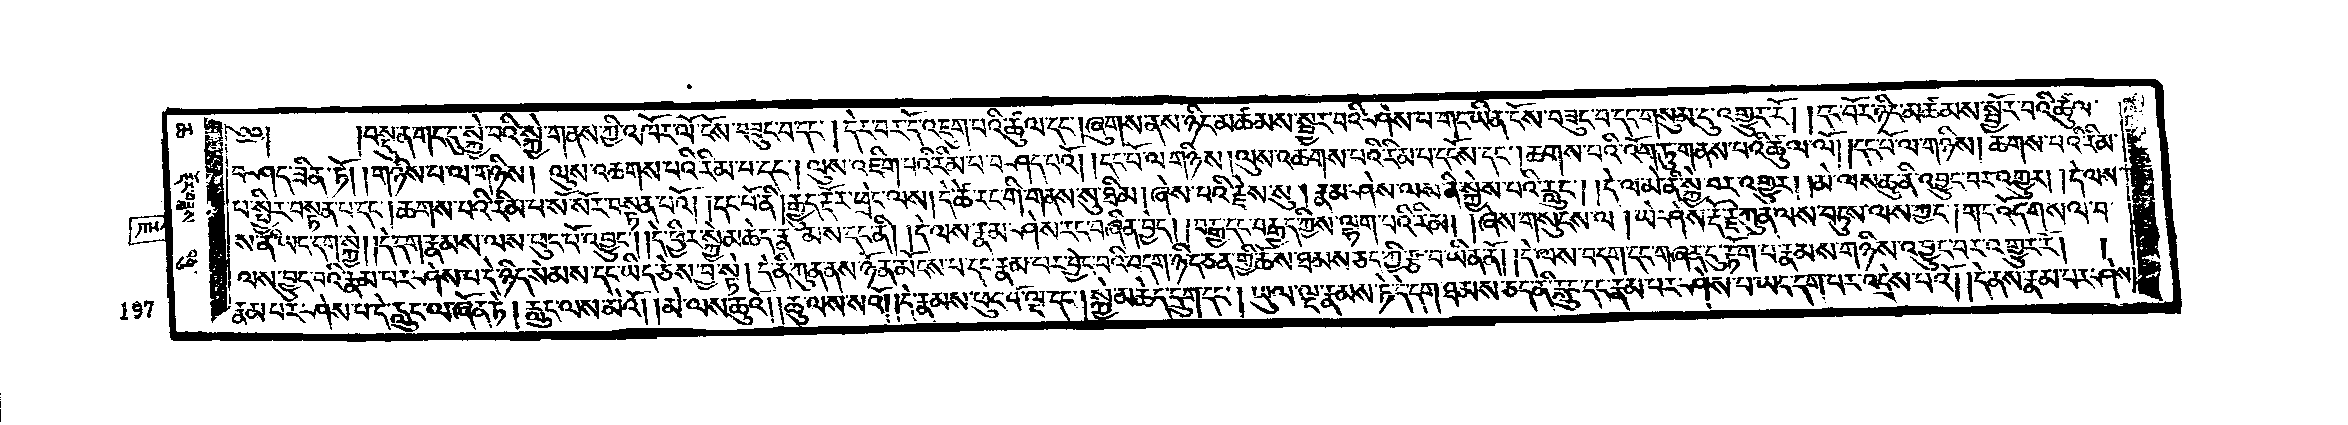༄༅། །བསྡུ་ན་གང་དུ་སྐྱེ་བའི་སྐྱེ་གནས་ཀྱི་འཁོར་ལོ་ངོས་བཟུང་བ་དང་། དེར་བར་དོ་འཇུག་པའི་ཚུལ་དང་། ཞུགས་ནས་ཉིང་མཚམས་སྦྱར་བའི་ཤེས་པ་གང་ཡིན་ངོས་བཟུང་བ་དང་གསུམ་དུ་འགྱུར་རོ། །དང་པོར་ཉིང་མཚམས་སྦྱོར་བའི་ཚུལ་
བཤད་ཟིན་ཏོ། །གཉིས་པ་ལ་གཉིས། ལུས་འཆགས་པའི་རིམ་པ་དང་། ལུས་འཇིག་པའི་རིམ་པ་བཤད་པའོ། །དང་པོ་ལ་གཉིས། ལུས་འཆགས་པའི་རིམ་པ་དངོས་དང་། ཆགས་པའི་འོག་ཏུ་གནས་པའི་ཚུལ་ལོ། །དང་པོ་ལ་གཉིས། ཆགས་པའི་རིམ་
པ་སྤྱིར་བསྟན་པ་དང་། ཆགས་པའི་རིམ་པ་སོ་སོར་བསྟན་པའོ། །དང་པོ་ནི། རྒྱུད་རྡོར་ཕྲེང་ལས། དེ་ཚེ་རང་གི་གནས་སུ་ཐིམ། ཞེས་པའི་རྗེས་སུ། རྣམ་ཤེས་ལས་ནི་སྐྱེས་པའི་རླུང་། །དེ་ལ་མེ་ནི་སྐྱེ་བར་འགྱུར། །མེ་ལས་ཆུ་ནི་འབྱུང་བར་འགྱུར། །དེ་ལས་
ས་ནི་ཡང་དག་སྐྱེ། །དེ་དག་རྣམས་ལས་ཕུང་པོ་འབྱུང་། །དེ་ཕྱིར་སྐྱེ་མཆེད་རྣམས་དང་ནི། །དེ་ལས་རྣམ་ཤེས་རང་བཞིན་བྱེད། །བརྒྱ་དང་བརྒྱད་ཀྱིས་ལྷག་པའི་རིམ། །ཞེས་གསུངས་ལ། ཡེ་ཤེས་རྡོ་རྗེ་ཀུན་ལས་བཏུས་ལས་ཀྱང་། གང་འོད་གསལ་བ་
ལས་བྱུང་བའི་རྣམ་པར་ཤེས་པ་དེ་ཉིད་སེམས་དང་ཡིད་ཅེས་བྱ་སྟེ། དེ་ནི་ཀུན་ནས་ཉོན་མོངས་པ་དང་རྣམ་པར་བྱང་བའི་བདག་ཉིད་ཅན་གྱི་ཆོས་ཐམས་ཅད་ཀྱི་རྩ་བ་ཡིན་ནོ། །དེ་ལས་བདག་དང་གཞན་དུ་རྟོག་པ་རྣམ་པ་གཉིས་འབྱུང་བར་འགྱུར་རོ། །
རྣམ་པར་ཤེས་པ་དེ་རླུང་ལ་ཞོན་ཏེ། རླུང་ལས་མེའོ། །མེ་ལས་ཆུའོ། །ཆུ་ལས་སའོ། །དེ་རྣམས་ཕུང་པོ་ལྔ་དང་། སྐྱེ་མཆེད་དྲུག་དང་། ཡུལ་ལྔ་རྣམས་ཏེ་དེ་དག་ཐམས་ཅད་ནི་རླུང་དང་རྣམ་པར་ཤེས་པ་ཡང་དག་པར་འདྲེས་པའོ། །དེ་ནས་རྣམ་པར་ཤེས་